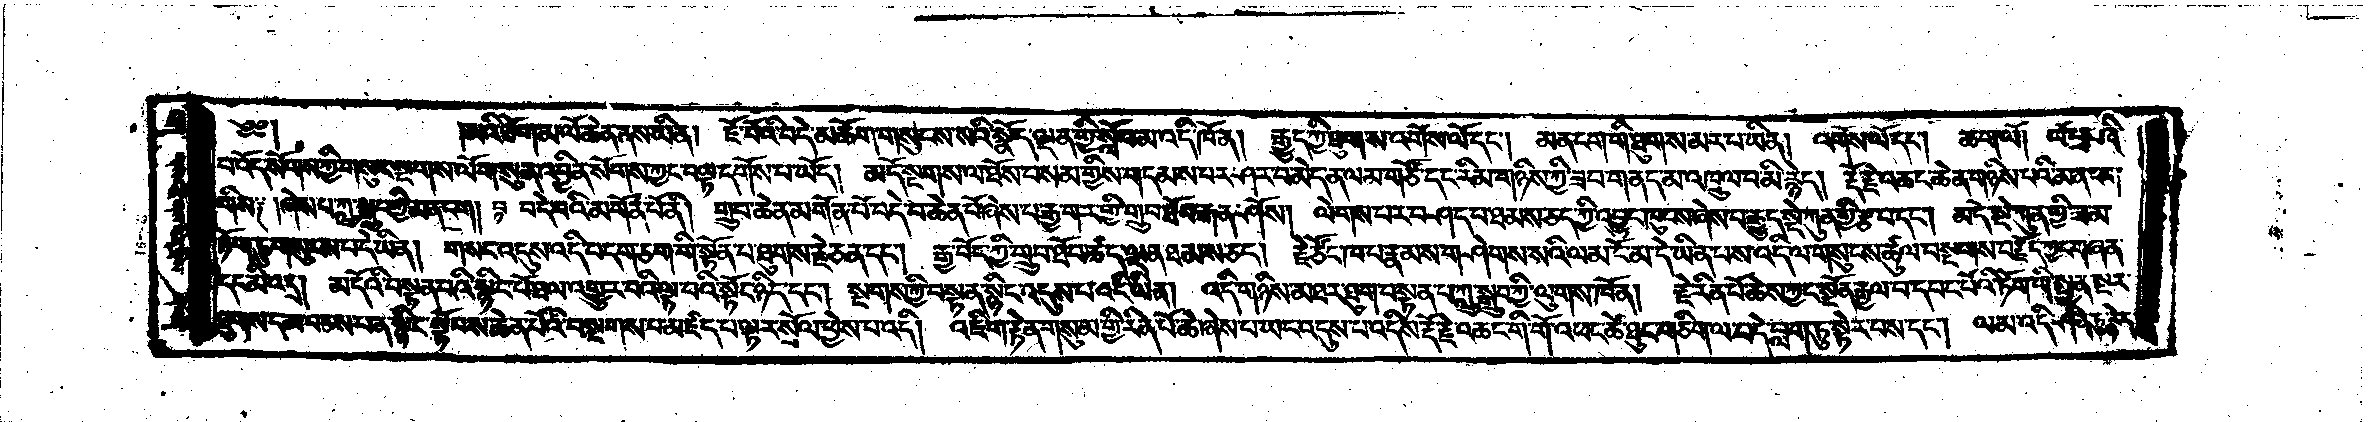༄༅། །མའི་ཐོག་མ་ལོ་ཆེན་ནས་ཡིན། ཇོ་བོའི་བདེ་མཆོག་གསུངས་སའི་སྣོད་ལྡན་གྱི་སློབ་མ་འདི་ཁོ་ན། རྒྱུད་ཀྱི་ཐུག་ས་འགོས་ལོ་དང་། མན་ངག་གི་ཐུགས་མར་པ་ཡིན། འགོས་ལོ་དང་། ཆག་ལོ། ལོ་ཕྲང་ཞི་
བ་འོད་སོགས་ཀྱི་གསུང་སྔགས་ལོག་སུན་འབྱིན་སོགས་ཀྱང་བལྟ་དགོས་པ་ཡོད། མདོ་སྔགས་ལ་ཐོས་བསམ་གྱིས་གདམས་པར་ཤར་བ་མེད་ན་ལམ་གཙོ་དང་རིམ་གཉིས་ཀྱི་ཟབ་གནད་མ་འཁྲུལ་བ་མི་རྙེད། རྡོ་རྗེ་འཆང་ཆེན་གཉིས་པའི་མན་ངག།
གིས༑ །ཞེས་པ་ཀླུ་སྒྲུབ་ཀྱི་མན་ངག། བ༡་བདེ་བའི་མགོན་པོ་ནི། གྲུབ་ཆེན་མགོན་པོ་བདེ་བ་ཆེན་པོ་ཞེས་པ་རྒྱ་གར་གྱི་གྲུབ་ཐོབ་རྒན་ཤོས། ལེགས་པར་བཤད་པ་ཐམས་ཅད་ཀྱི་འབྱུང་ཁུངས་ཞེས་པ་རྒྱུད་སྡེ་ཀུན་གྱི་རྩ་བ་དང་། མེད་སྔེ་ཀུན་གྱི་ཟ་མ་
ཏོག་ཏུ་གསུངས་པ་དེ་ཡིན། གསང་འདུས་འདི་བདག་ཅག་གི་སྟོན་པ་ཐུགས་རྗེ་ཅན་དང་། རྒྱ་བོད་ཀྱི་གྲུབ་ཐོབ་ཚད་ལྡན་ཐམས་ཅད། རྗེ་ཙོང་ཁ་པ་རྣམས་གཤེགས་སའི་ལམ་ངོ་མ་དེ་ཡིན་པས་འདི་ལ་གསུངས་ཚུལ་བསྔགས་བརྗོད་ཀྱང་གཞན་
དང་མི་འདྲ༑ མདོའི་བསྟན་པའི་སྙིང་པོ་ཐལ་འགྱུར་བའི་ལྟ་བའི་སྟོང་ཉིད་དང་། སྔགས་ཀྱི་བསྟན་སྙིང་འདུས་པ་འདི་ཡིན། འདི་གཉིས་མཐར་ཐུག་བསྟན་པ་ཀླུ་སྒྲུབ་ཀྱི་ལུགས་ཁོ་ན། རྗེ་རིན་པོ་ཆེས་ཀྱང་སྔོན་རྒྱལ་བ་དབང་པོའི་ཏོག་གི་སྤྱན་སྔར་
ཐུགས་དམ་བཅས་པ་ན་སྙིང་སྟོབས་ཆེན་པོའི་བ་སྔགས་པ་མཛད་པ་ལྟར་སྲོལ་ཕྱེས་པ་འདི། འཇིག་རྟེན་གསུམ་གྱི་རིན་པོ་ཆེ་ཞེས་པ་ཡང་འདུས་པ་འདིས་རྡོ་རྗེ་འཆང་གི་གོ་འཕང་ཚེ་ཐུང་གཅིག་ལ་བདེ་བླག་ཏུ་སྟེར་བས་དང་། ལམ་འདི་ཤིན་ཏུ་རྙེད་